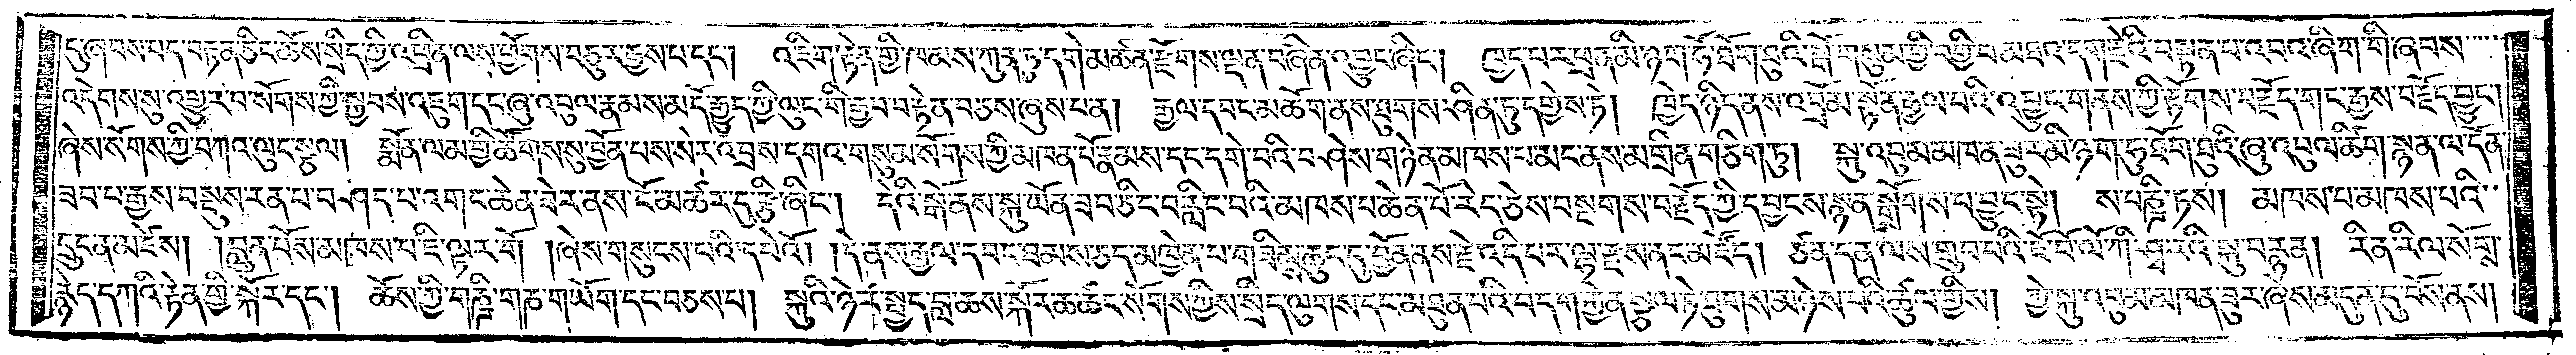དུ་ཞབས་པད་བརྟན་ཅིང་ཆོས་སྲིད་ཀྱི་འཕྲིན་ལས་ཕྱོགས་བཅུར་རྒྱས་པ་དང་། འཇིག་རྟེན་གྱི་ཁམས་ཀུན་ཏུ་དགེ་མཚན་རྫོགས་ལྡན་བཞིན་འབྱུང་ཞིང་། ཁྱད་པར་ཕྲན་མི་ཉག་ཧོ་ཐོག་ཐུའི་སྒོ་གསུམ་གྱི་བགྱི་བ་མཐའ་དག་རྗེའི་བསྟན་པ་འབའ་ཞིག་གི་ཞབས་
འདེགས་སུ་འགྱུར་བ་སོགས་ཀྱི་སྐྱབས་འཇུག་དང་ཞུ་འབུལ་རྣམས་མདོ་རྒྱུད་ཀྱི་ལུང་གི་རྒྱབ་བརྟེན་བཅས་ཞུས་པ་ན། རྒྱལ་དབང་མཆོག་ནས་ཐུགས་ཤིན་ཏུ་དགྱེས་ཏེ། ཁྱེད་ཉིད་ནས་འབྲོམ་སྟོན་རྒྱལ་བའི་འབྱུང་གནས་ཀྱི་རྟོགས་བརྫོད་གང་རྒྱས་བརྗོད་བྱུང་།
ཞེས་སོགས་ཀྱི་བཀའ་ལུང་སྩལ། སྨོན་ལམ་གྱི་ཚོགས་སུ་བྱོན་པས་སེར་འབྲས་དགའ་གསུམ་སོགས་ཀྱི་མཁན་པོ་རྣམས་དང་དགེ་བའི་བཤེས་གཉེན་མཁས་པ་མང་ནས་མགྲིན་གཅིག་ཏུ། སྐུ་འབུམ་མཁན་ཟུར་མི་ཉག་ཧུ་ཐོག་ཐུའི་ཞུ་འབུལ་ཚིག་སྙན་ལ་དོན་
ཟབ་པ་རྒྱས་བསྡུས་རན་པ་བཤད་པ་འགང་ཆེན་ཟེར་ནས་ངོ་མཚར་དུ་རྩི་ཞིང་། དེའི་སྒོ་ནས་སྐུ་ཡོན་ཟབ་ཅིང་བརླིང་བའི་མཁས་པ་ཆེན་པོ་རེད་ཅེས་བསྔགས་བརྗོད་ཀྱི་དབྱངས་སྙན་སྒྲོགས་པ་བྱུང་སྟེ། ས་པཎྜི་ཏས། མཁས་པ་མཁས་པའི་
དྲུང་ན་མཛེས། །བླུན་པོས་མཁས་པ་ཇི་ལྟར་གོ །ཞེས་གསུངས་པའི་དཔེའོ། །དེ་ནས་རྒྱལ་དབང་ཐམས་ཅད་མཁྱེན་པ་གཟིམ་ཆུང་དུ་བྱོན་ནས་རྗེ་འདི་པར་ལྷ་རྫས་ནང་མཛོད། ཙན་དན་ལས་གྲུབ་པའི་ངོ་བོ་ལོ་ཀི་ཤྭ་རའི་སྐུ་བརྙན། རིན་རིལ་སོགས་
རྙེད་དཀའི་རྟེན་གྱི་སྐོར་དང་། ཆོས་ཀྱི་གཎྜི་གཎ་གཡོག་དང་བཅས་པ། སྐུའི་ཉེར་སྤྱད་བླ་ཆས་སྐོར་ཆ་ཚང་སོགས་ཀྱིས་སྲིད་ལུགས་དང་མཐུན་པའི་བདག་རྐྱེན་སྩལ་ཏེ་ཐུགས་མཉེས་པའི་ཚུལ་གྱིས། ཀྱེ་སྐུ་འབུམ་མཁན་ཟར་ཞེས་མདུན་དུ་བོས་ནས་